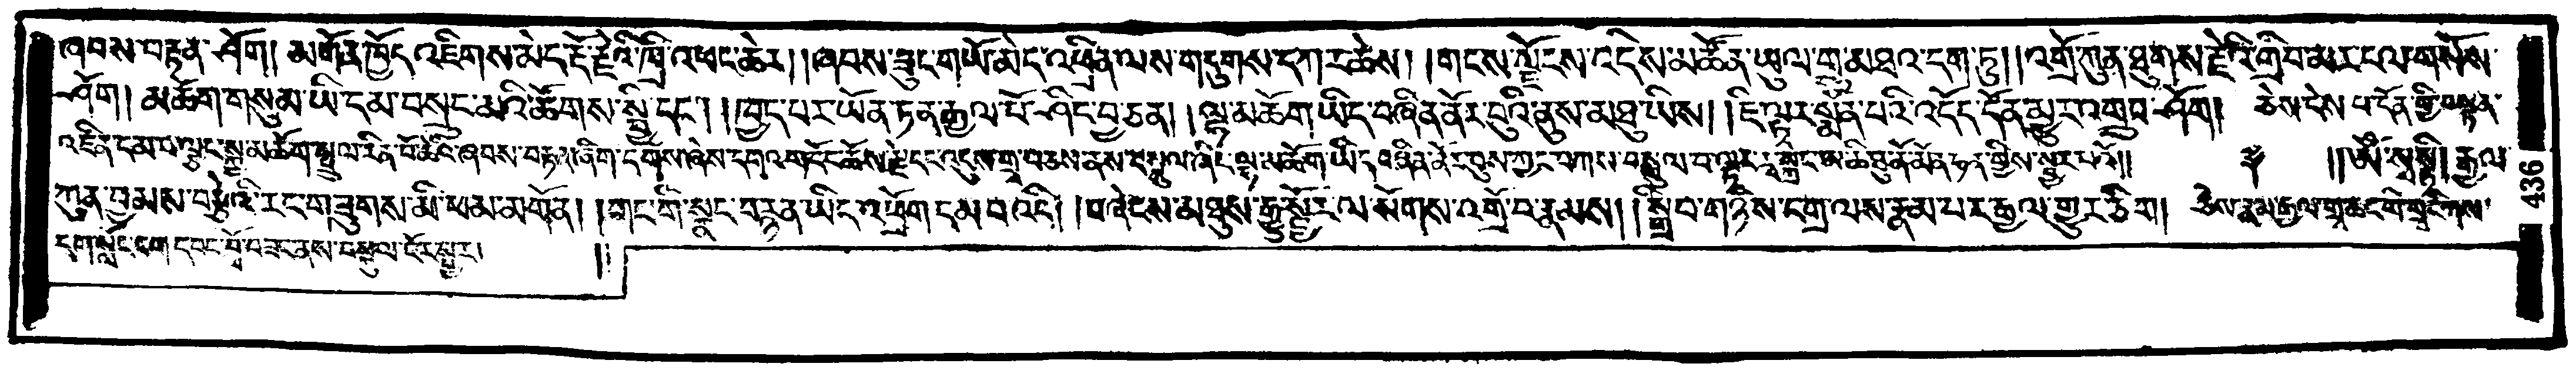ཞབས་བརྟན་ཤོག །མགོན་ཁྱོད་འཇིགས་མེད་རྡོ་རྗེའི་ཁྲི་འཕང་ཆེར། །ཞབས་ཟུང་གཡོ་མེད་འཕྲིན་ལས་གདུགས་དཀར་ཆེས། །གངས་ལྗོངས་འདིས་མཚོན་ཡུལ་གྲུ་མཐའ་དག་ཏུ། །འགྲོ་ཀུན་ཐུགས་རྗེའི་གྲིབ་མར་ངལ་གསོས་
ཤོག །མཆོག་གསུམ་ཡི་དམ་བསྲུང་མའི་ཚོགས་སྤྱི་དང་། །ཁྱད་པར་ཡོན་ཏན་རྒྱལ་པོ་ཤིང་བྱ་ཅན། །ལྷ་མཆོག་ཡིད་བཞིན་ནོར་བུའི་ནུས་མཐུ་ཡིས། །ཇི་ལྟར་སྨོན་པའི་འདོད་དོན་མྱུར་འགྲུབ་ཤོག །ཅེས་ངེས་པ་དོན་གྱི་བསྟན་
འཛིན་དམ་པ་ལྕང་སྐྱ་མཆོག་སྤྲུལ་རིན་པོ་ཆེའི་ཞབས་བརྟན་ཞིག་དགོས་ཞེས་དགའ་གདོང་ཆོས་རྗེ་དང་འདུས་གྲྭ་བཅས་ནས་བསྐུལ་ཞིང་ལྷ་མཆོག་ཡིད་བཞིན་ནོར་བུས་ཀྱང་བཀས་བསྒྲུལ་བ་ལྟར་རྭ་སྒྲེང་ཨ་ཆི་ཐུ་ནོ་མོན་ཧན་གྱིས་སྦྱར་བའོ།། ༈ །།ཨོཾ་སྭ་སྟི། རྒྱལ་
ཀུན་བྱམས་བརྩེའི་རང་གཟུགས་མི་ཕམ་མགོན། །གང་གི་སྣང་བརྙན་ཡིད་འཕྲོག་དམ་པ་འདི། །བཞེངས་མཐུས་རྒྱུ་སྦྱོར་ལ་སོགས་འགྲོ་བ་རྣམས། །སྒྲིབ་གཉིས་དགྲ་ལས་རྣམ་པར་རྒྱལ་གྱུར་ཅིག །ཅེས་རྣམ་རྒྱལ་གྲྭ་ཚང་གི་གྲྭ་རིགས་
དགེ་སློང་ངག་དབང་བློ་བཟང་ནས་བསྐུལ་ངོར་སྦྱར།། །།